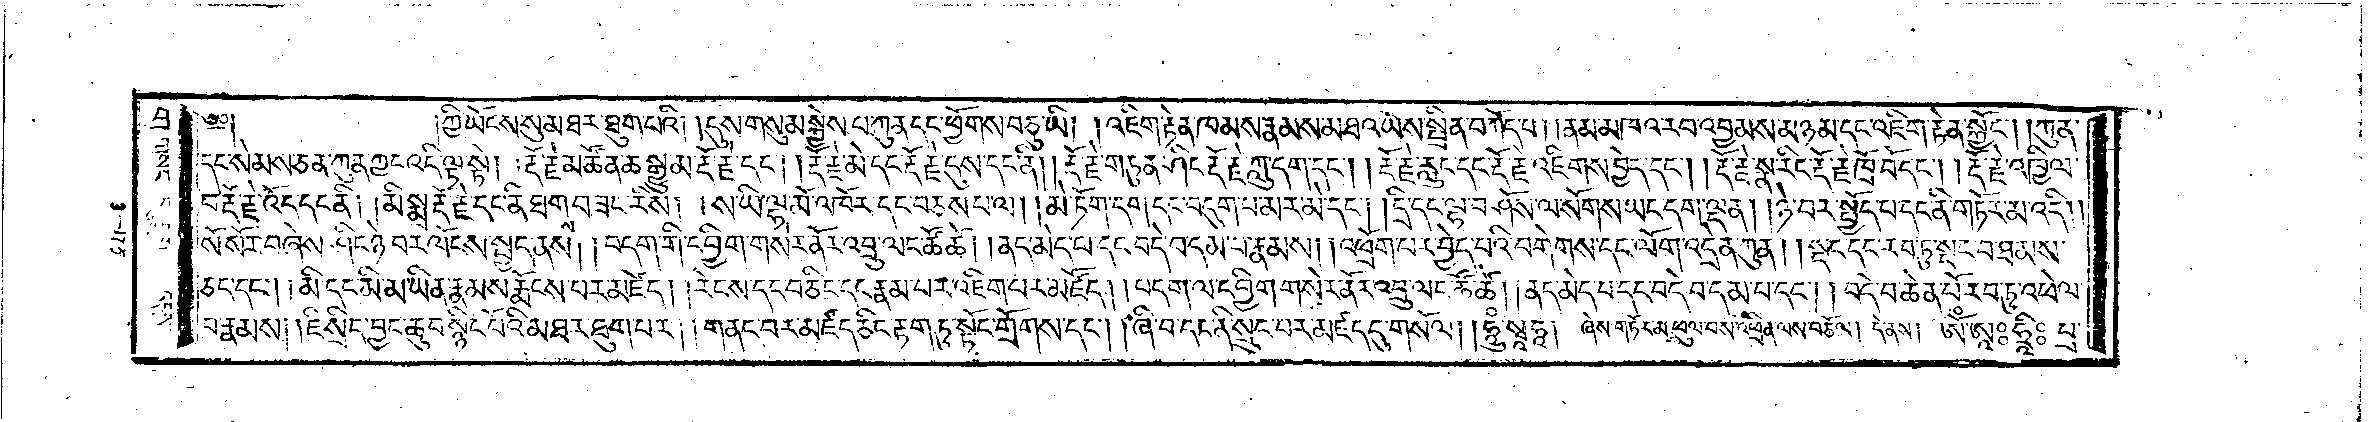༄༅། །ཀྱི་ཡོངས་སུ་མཐར་ཐུག་པའི། །དུས་གསུམ་སྐྱེས་པ་ཀུན་དང་ཕྱོགས་བཅུ་ཡི། །འཇིག་རྟེན་ཁམས་རྣམས་མཐའ་ཡས་སྤྲིན་བཀོད་པ། །ནམ་མཁའ་རབ་འབྱམས་མཉམ་དང་འཇིག་རྟེན་སྐྱོང་། །ཀུན་
དང་སེམས་ཅན་ཀུན་ཀྱང་འདི་ལྟ་སྟེ། །རྡོ་རྗེ་མཚོན་ཆ་སྒྱུ་མ་རྡོ་རྗེ་དང་། །རྡོ་རྗེ་མེ་དང་རྡོ་རྗེ་དུས་དང་ནི། །རྡོ་རྗེ་གཏུན་ཤིང་རྡོ་རྗེ་ཀླུ་དག་དང་། །རྡོ་རྗེ་རླུང་དང་རྡོ་རྗེ་འཇིགས་བྱེད་དང་། །རྡོ་རྗེ་རླུང་དང་རྡོ་རྗེ་འཇིགས་བྱེད་དན། །རྡོ་རྗེ་སྣ་རིང་རྡོ་རྗེ་ཁྲོ་བོ་དང་། །རྡོ་རྗེ་འཁྱིལ་
བ་རྡོ་རྗེ་འོད་དང་ནི། །མི་སྨྲ་རྡོ་རྗེ་དང་ནི་ཐགས་བཟང་རིས། །ས་ཡི་ལྷ་མོ་འཁོར་དང་བཅས་པ་ལ། །མེ་ཏོག་དག་དང་བདུག་པ་མར་མེ་དན། །དྲི་དང་ལྷ་བཤོས་ལ་སོགས་ཡང་ད་ལྡན། །ཉེ་བར་སྤྱོད་པ་དང་ནི་གཏོར་མ་འདི། །
སོ་སོར་བཞེས་ཤིང་ཉེ་བར་ལོངས་སྤྱད་ནས། །བདག་གི་དབྱིག་གསེར་ནོར་འབྲུ་ལང་ཚོ་ཚོ། །ནད་མེད་པ་དང་བདེ་བ་དམ་པ་རྣམས། །འཕྲོག་པར་བྱེད་པའི་བགེགས་དང་ལོག་འདྲེན་ཀུན། །སྡང་དང་རབ་ཏུ་སྡང་བ་ཐམས་
ཅད་དང་། །མི་དང་མི་མ་ཡིན་རྣམས་རྨོངས་པར་མཛེད། །རེངས་དང་བཅིང་དང་རྣམ་པར་འཇིག་པར་མཛོད། །བདག་ལ་དབྱིག་གསེར་ནོར་འབྲུ་ལང་ཚོ་ཚེ། །ནད་མེད་པ་དང་བདེ་བ་དམ་པ་དང་། །བདེ་བ་ཆེན་པོ་རབ་ཏུ་འཕེལ་
བ་རྣམས། །ཇི་སྲིད་བྱང་ཆུབ་སྙིང་པོའི་མཐར་ཐུག་པར། །གནང་བར་མཛད་ཅིང་རྟག་ཏུ་སྟོང་གྲོགས་དང་། །ཞི་བ་དང་ནི་སྲུང་བར་མཛད་དུ་གསོལ། །ཧཱུཾ་སྭཱ་ཧཱ། ཞེས་གཏོར་མ་ཕུལ་བས་འཕྲིན་ལས་བཅོལ། དེ་ནས། ཨོཾ་ཨཱཿཧྲཱི་པྲ་